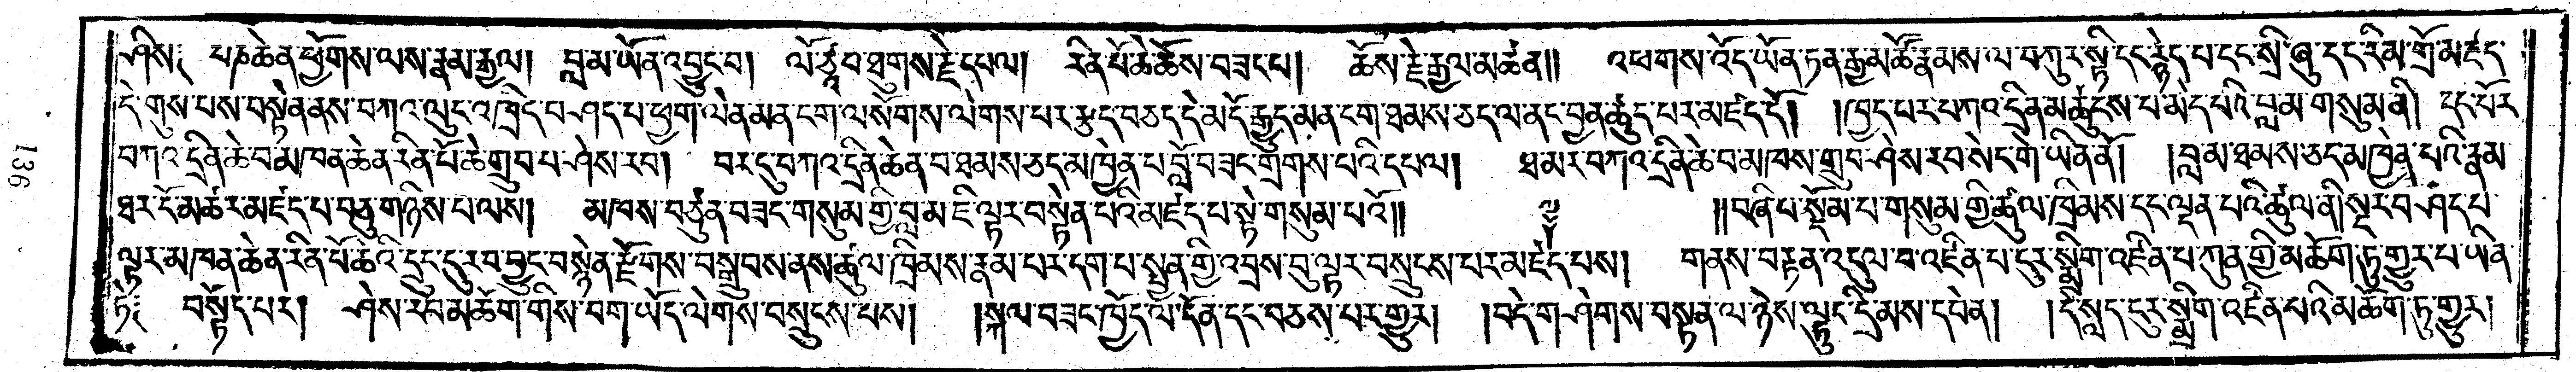ཤིས༑ པཎ་ཆེན་ཕྱོགས་ལས་རྣམ་རྒྱལ། བླ་མ་ཡོན་འབྱུང་བ། ལོ་ཙཱ་བ་ཐུགས་རྗེ་དཔལ། རིན་པོ་ཆེ་ཆོས་བཟང་པ། ཆོས་རྗེ་རྒྱལ་མཚན།། འཕགས་འོད་ཡོན་ཏན་རྒྱ་མཚོ་རྣམས་ལ་བཀུར་སྟི་དང་རྙེད་པ་དང་སྲི་ཞུ་དང་རིམ་གྲོ་མཛད་
དེ་གུས་པས་བསྟེན་ནས་བཀའ་ལུང་འཁྲིད་བཤད་པ་ཕྱག་ལེན་མན་ངག་ལ་སོགས་ལེགས་པར་རྩད་བཅད་དེ་མདོ་རྒྱུད་མན་ངག་ཐམས་ཅད་ལ་ནང་བྱན་ཚུད་པར་མཛད་དོ། །ཁྱད་པར་བཀའ་དྲིན་མཚུངས་པ་མེད་པའི་བླ་མ་གསུམ་ནི། དང་པོར་
བཀའ་དྲིན་ཆེ་བ་མཁན་ཆེན་རིན་པོ་ཆེ་གྲུབ་པ་ཤེས་རབ། བར་དུ་བཀའ་དྲིན་ཆེན་པ་ཐམས་ཅད་མཁྱེན་པ་བློ་བཟང་གྲགས་པའི་དཔལ། ཐ་མར་བཀའ་དྲིན་ཆེ་བ་མཁས་གྲུབ་ཤེས་རབ་སེང་གེ་ཡིན་ནོ། །བླ་མ་ཐམས་ཅད་མཁྱེན་པའི་རྣམ་
ཐར་ངོ་མཚར་མཛད་པ་བཅུ་གཉིས་པ་ལས། མཁས་བཙུན་བཟང་གསུམ་གྱི་བླ་མ་ཇི་ལྟར་བསྟེན་པའི་མཛད་པ་སྟེ་གསུམ་པའོ།། ༈ །།བཞི་པ་སྡོམ་པ་གསུམ་གྱི་ཚུལ་ཁྲིམས་དང་ལྡན་པའི་ཚུལ་ནི། སྔར་བཤད་པ་
ལྟར་མཁན་ཆེན་རིན་པོ་ཆེའི་དྲུང་དུ་རབ་བྱུང་བསྙེན་རྫོགས་བསྒྲུབས་ནས་ཚུལ་ཁྲིམས་རྣམ་པར་དག་པ་སྤྱན་གྱི་འབྲས་བུ་ལྟར་བསྲུངས་པར་མཛད་པས། གནས་བརྟན་འདུལ་བ་འཛིན་པ་དུར་སྨྲིག་འཛིན་པ་ཀུན་གྱི་མཆོག་ཏུ་གྱུར་པ་ཡིན་
ཏེ༑ བསྟོད་པར། ཤེས་རབ་མཆོག་གིས་བག་ཡོད་ལེགས་བསྲུངས་པས། །སྐལ་བཟང་ཁྱོད་ལ་དོན་དང་བཅས་པར་གྱུར། །བདེ་གཤེགས་བསྟན་ལ་ཉེས་ལྟུང་དྲི་མས་དབེན། །དེ་སླད་ངུར་སྨྲིག་འཛིན་པའི་མཆོག་ཏུ་གྱུར།